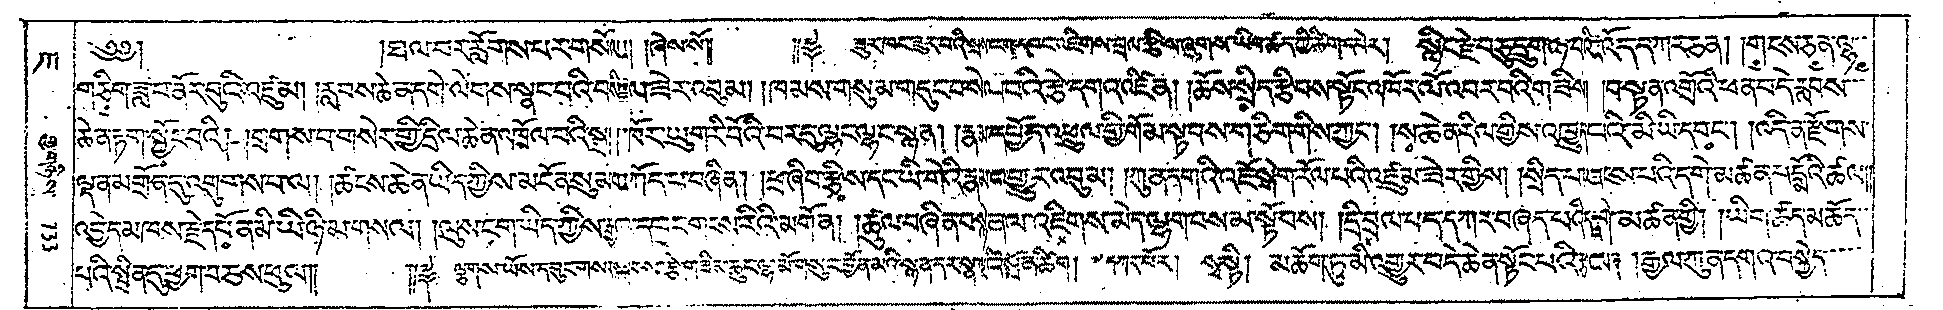༄༅། །ཐལ་བར་རློགས་པར་གསོལ། །ཞེས་སོ།། །།༈ ཟུར་ཁང་ཟུར་བའི་སྲས་ངག་དབང་འཇིགས་བྲལ་རྩིས་ཞུགས་ཡིག་ཚད་ཀྱི་ཚིག་དཔེར།  སྙིང་རྗེ་བཅུ་དྲུག་ཉ་བའི་འོད་དཀར་ཅན། །གངས྾་ཅན྾་ལྷ་
གཅིག྾་ཟླ་བ་ནོར་བུའི་འཛུམ། །རླབས་ཆེན་དགེ་ལེགས་སྣང་བའི་བསིལ་ཟེར་འབུམ། །ཁམས་གསུམ་གདུང་བ་སེལ་བའི་རྩེ་དགའ྾་འཛིན། །ཆོས་སྲིད྾་རྩིབས་སྟོང་འཁོར་ལོ་འབར་བའི་གཟིས། །བསྟན་འགྲོའི་ཕན་བདེ་རླབས་
ཆེན་རྟག་སྐྱོང྾་བའི། །གྲགས་པ་གསེར་གྱི་དྲིལ་ཆེན་འཁྲོལ་བའི་སྒྲ། །ཁོར་ཡུག་རི་བོའི་བར་དུ་ལྷང་ལྷང་སྙན། །རྣམ་དཔྱོད་འཕྲུལ་གྱི་གོམ་སྟབས་གཅིག་གིས་ཀྱང་། །ས྾་ཆེན་རིལ་གྱིས་འཁྱུད་པའི་མི་ཡི་དབང྾། །འདི་ན་རྫོགས་
ལྡན་མགྲོན་དུ་འགུགས་པ་ལ། །ཚངས་ཆེན་ཡིད་ཀྱིས་མངོན་སུམ་བཀོད་པ་བཞིན། །ཕྲ་ཞིབ་རྩིས྾་དང་ཡི་གེའི་རྣམ་འགྱུར་འབུམ། །ཀུན་དགའི་འཇོ་སྒེག་རོལ་པའི་འཛུམ་ཟེར་གྱིས། །སྲིད་པ་ཡངས་པའི་དགེ་མཚན་པདམོའི་ཚལ། །
འབྱེད་མཁས་རྗེ་དཔོན྾་མི་ཡི་ཉི་མ་གསལ། །ལུས་ངག་྾་ཡིད་ཀྱིས་རྒྱལ་དབང་྾་གངས་རིའི་མགོན། །ཚུལ་བཞིན་བསྙེན་ལ་འཇིགས་྾་མེད་ལྷག་བསམ་སྟོབས། །དྲི་བྲལ་྾་པད་དཀར་བཞད་པའི་དགེ་མཚན་གྱི། །ཡིག་ཚད་མཆོད་
པའི་སྤྲིན་དུ་ཕྱག་བཅས་ཕུལ།། །།༈ ལྕགས་ཡོས་དགུང་གསར་སྐབས་རྩེ་གཟིམ་ཆུང་ལྷ་མོ་གསུང་བྱོན་མའི་སྙན་དར་སྣ་ལྔའི་སྨོན་ཚིག ། ༧དཀར་པོར།  སྭསྟི། མཆོག་ཏུ་མི་འགྱུར་བདེ་ཆེན་སྟོང་པའི་རྩལ། །རྒྱལ་ཀུན་དགའ་བསྐྱེད་